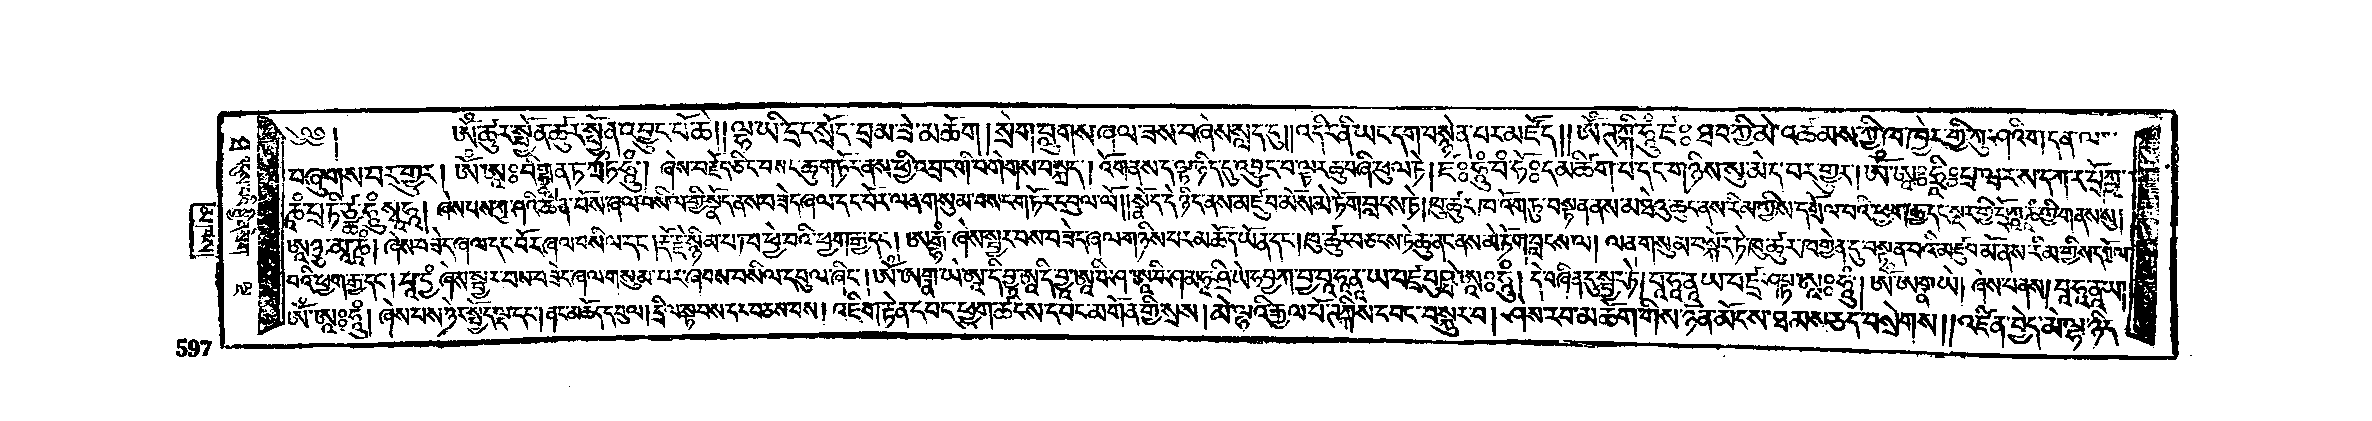༄༅། །ཨོཾ་ཚུར་སྦྱིན་ཚུར་སྤྱིན་འབྱུང་པོ་ཆེ། ལྷ་ཡི་དྲང་སྲོང་བྲམ་ཟེ་མཆོག། སྲེག་བླུགས་ཞལ་ཟས་བཞེས་སླད་དུ། འདིར་ནི་ཡང་དག་བསྙེན་པར་མཛོད། ཨོཾ་ཊྐྐི་ཧཱུཾ་ཛཿ ཐབ་ཀྱི་མེ་འཚམས་ཀྱི་ཁ་ཁྱེར་གྱི་ཀུ་ཤ་གདན་ལ་
བཞུགས་པར་གྱུར། ཨོཾ་ཨཱཿ བི་གྷྰྣ་ཏ་ཀྲྀ་ཏ་ཧཱུཾ། ཞེས་བརྗོད་ཅིང་བསང་ཆུ་གཏོར་ནས་ཕྱི་འབྲང་གི་བགེགས་ད་ལྟ་ཉིད་དུ་འབྱུང་བ་ལྟར་ཅུ་བཞི་ཕུལ་ཏེ། ཛཿ ཧཱུཾ་བཾ་ཧོཿ དམ་ཚིག་པ་དང་གཉིས་སུ་མེད་པར་ལྒྱུར། ཨོཾ་ཨཱཿ ཧྲཱིཿ པྲ་ཝ་ར་ས་ད་ཀ་ར་པྲོ་ཀྵ་
ཎཱཾ་པྲ་ཏི་ཙྪ་ཧཱུཾ་སྭཱ་ཧཱ། ཞེས་པསད་སྐུ་ཤའི་ཆེན་པོས་ཞལ་བསིལ་གྱི་སྦོད་ནས་བཟེད་ཞལ་དང་པོར་ལན་གསུམ་བསང་གཏོར་བུལ་ལོ། སྦོད་དེ་ཉིད་ནས་མཛུབ་མོས་མེ་ཏོག་བླངས་ཏེ། ཁུ་འོག་ཏུ་བསྟན་ནས་མཐེའུ་ཆུང་ནས་རིམ་གྱིས་དགྲོལ་བའི་ཕྱག་དང་སྔར་གྱི་པྲོ་ཀྵ་ཎཱཾ་གྱི་གནས་སུ་
ཨཱ་ཉཱ་མཱ་ཎཱཾ། ཞེས་བཟེར་ཞལ་དང་བོར་ཞལ་བསིལ་དང་། རྡོ་རྗེ་སྙིམ་པ་ཁ་ཕྱེ་བའི་ཕྱག་རྒྱ་དང་། ཨརྒྷཾ་ཞེས་སྦྱར་བས་བཟེད་ཞལ་གཉིས་པར་མཆོད་ཡོན་དང་ཁུ་ཚུར་བཅངས་ཏེ་ཆུ་ནང་ནས་མེ་ཏོག་བླངས་ལ། ལན་གསུམ་བསྐོར་ཏེ་ཁུ་ཚུར་ཁ་གྱེན་དུ་བསྟན་མཛུབ་མོ་ནས་རིམ་གྱིས་དཀྲོལ་
པའི་ཕྱག་རྒྱ་དང་། པཱ་དྱཾ་ཞེས་སྦྱར་བས་བཟེད་ཞལ་གསུམ་པར་ཞབས་བསིལ་དབུལ་ཞིང་། ཨོཾ་ཨགན་ཡེ་ཨཱ་དི་བྱཱ་ཨཱ་དི་བྱཱ་ཨཱ་བི་ཥ་ཨཱ་བི་ཤ་མ་ཧཱ་ཤྲི་ཡེ་ཧ་བྱ་ཀ་བྱ་བཱ་ཧཱ་ནཱ་ཡ་བྫྲ་པུཥེ་པ་ཨཱཿ ཧཱུཾ། དེ་བཞིན་དུ་སྦྱར་ཏེ། བཱ་ཧཱ་ནཱ་ཡ་བྫྲ་ཥྤྟ་ཨཱཿ ཧཱུཾ། ཨོཾ་ཨགྷན་ཡེ། ཞེས་པ་ནས། བཱ་ཧཱ་ནཱ་ཡ།
ཨོཾ་ཨཱཿ ཧཱུཾ། ཞེས་པས་ཉེར་སྤྱོད་ལྔ་དང་། ནང་མཆོད་དབུལ། དྲིལ་སྟབས་དང་བཅས་བས། འཇིག་རྟེན་དབང་ཕྱུག་ཚངས་དབང་མགོན་གྱི་སྲས། མེ་ལྷའི་རྒྱལ་པོ་ཊས་ཀིད་ལས་དབསང་བསྐུར་བ། ཤེས་རབ་མཆོག་གིས་ཉོན་མོངས་ཐམས་ཅད་བསྲེགས། འཛིན་བྱེད་མེ་ལྷ་ཉིད་